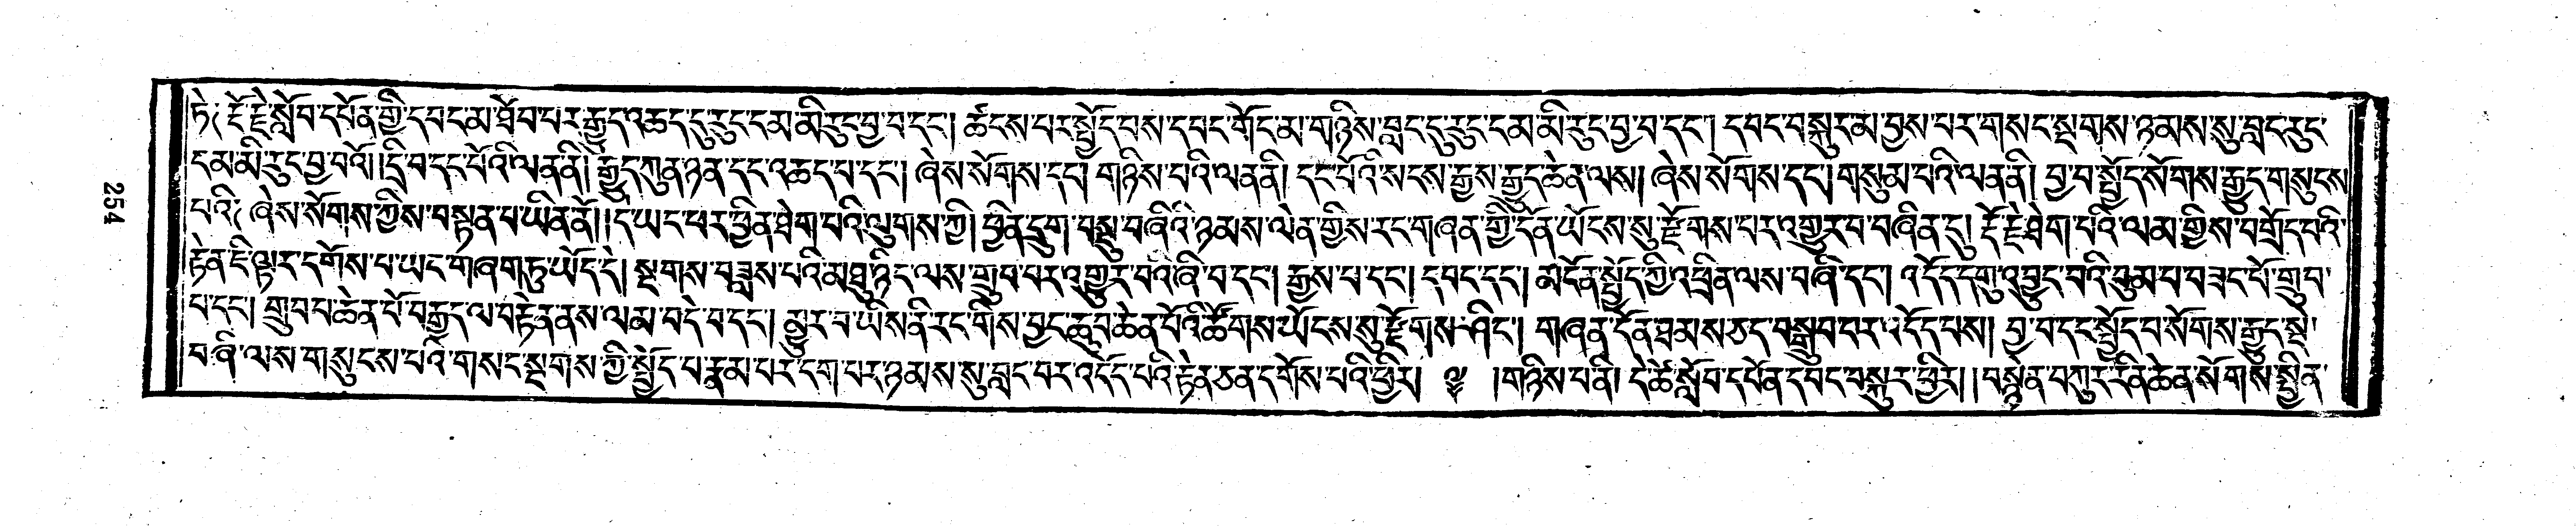ཏེ༑ རྡོ་རྗེ་སློབ་དཔོན་གྱི་དབང་མ་ཐོབ་པར་རྒྱུད་འཆད་དུ་རུང་ངམ་མི་རུང་བྱ་བ་དང་། ཚངས་པར་སྤྱོད་པས་དབང་གོང་མ་གཉིས་བླང་དུ་རུང་ངམ་མི་རུང་བྱ་བ་དང་། དབང་བསྐུར་མ་བྱས་པར་གསང་སྔགས་ཉམས་སུ་བླང་རུང་
ངམ་མི་རུང་བྱ་བའོ། །དྲི་བ་དང་པོའི་ལན་ནི། རྒྱུད་ཀུན་ཉན་དང་འཆད་པ་དང་། ཞེས་སོགས་དང་། གཉིས་པའི་ལན་ནི། དང་པོའི་སངས་རྒྱས་རྒྱུད་ཆེན་ལས། ཞེས་སོགས་དང་། གསུམ་པའི་ལན་ནི། བྱ་བ་སྤྱོད་སོགས་རྒྱུད་གསུངས་
པའི༑ ཞེས་སོགས་ཀྱིས་བསྟན་པ་ཡིན་ནོ། །དེ་ཡང་ཕར་ཕྱིན་ཐེག་པའི་ལུགས་ཀྱི། ཕྱིན་དྲུག་བསྡུ་བཞིའི་ཉམས་ལེན་གྱིས་རང་བཞིན་གྱི་དོན་ཡོངས་སུ་རྫོགས་པར་འགྱུར་བ་བཞིན་དུ། རྡོ་རྗེ་ཐེག་པའི་ལམ་གྱིས་བགྲོད་པའི་
རྟེན་ཇི་ལྟར་དགོས་པ་ཡང་གཞག་ཏུ་ཡོད་དེ། སྔགས་བཟླས་པའི་མཐུ་ཉིད་ལས་གྲུབ་པར་འགྱུར་བའི་ཞི་བ་དང་། རྒྱས་པ་དང་། དབང་དང་། མངོན་སྤྱོད་ཀྱི་འཕྲིན་ལས་བཞི་དང་། འདོད་དགུ་འབྱུང་བའི་བུམ་པ་བཟང་པོ་གྲུབ་
པ་དང་། གྲུབ་པ་ཆེན་པོ་བརྒྱད་ལ་བརྟེན་ནས་ལམ་བདེ་བ་དང་། མྱུར་བ་ཡིས་ནི་རང་གིས་བྱང་ཆུབ་ཆེན་པོའི་ཚོགས་ཡོངས་སུ་རྫོགས་ཤིང་། གཞན་དོན་ཐམས་ཅད་བསྒྲུབ་པར་འདོད་པས། བྱ་བ་དང་སྤྱོད་པ་སོགས་རྒྱུད་སྡེ་
བཞི་ལས་གསུངས་པའི་གསང་སྔགས་ཀྱི་སྤྱོད་པ་རྣམ་པར་དག་པར་ཉམས་སུ་བླང་བར་འདོད་པའི་རྟེན་ཅན་དགོས་པའི་ཕྱིར། ༈ །གཉིས་པ་ནི། དེ་ཚེ་སློབ་དཔོན་དབང་བསྐུར་ཕྱིར། །བསྙེན་བཀུར་རིན་ཆེན་སོགས་སྦྱིན་